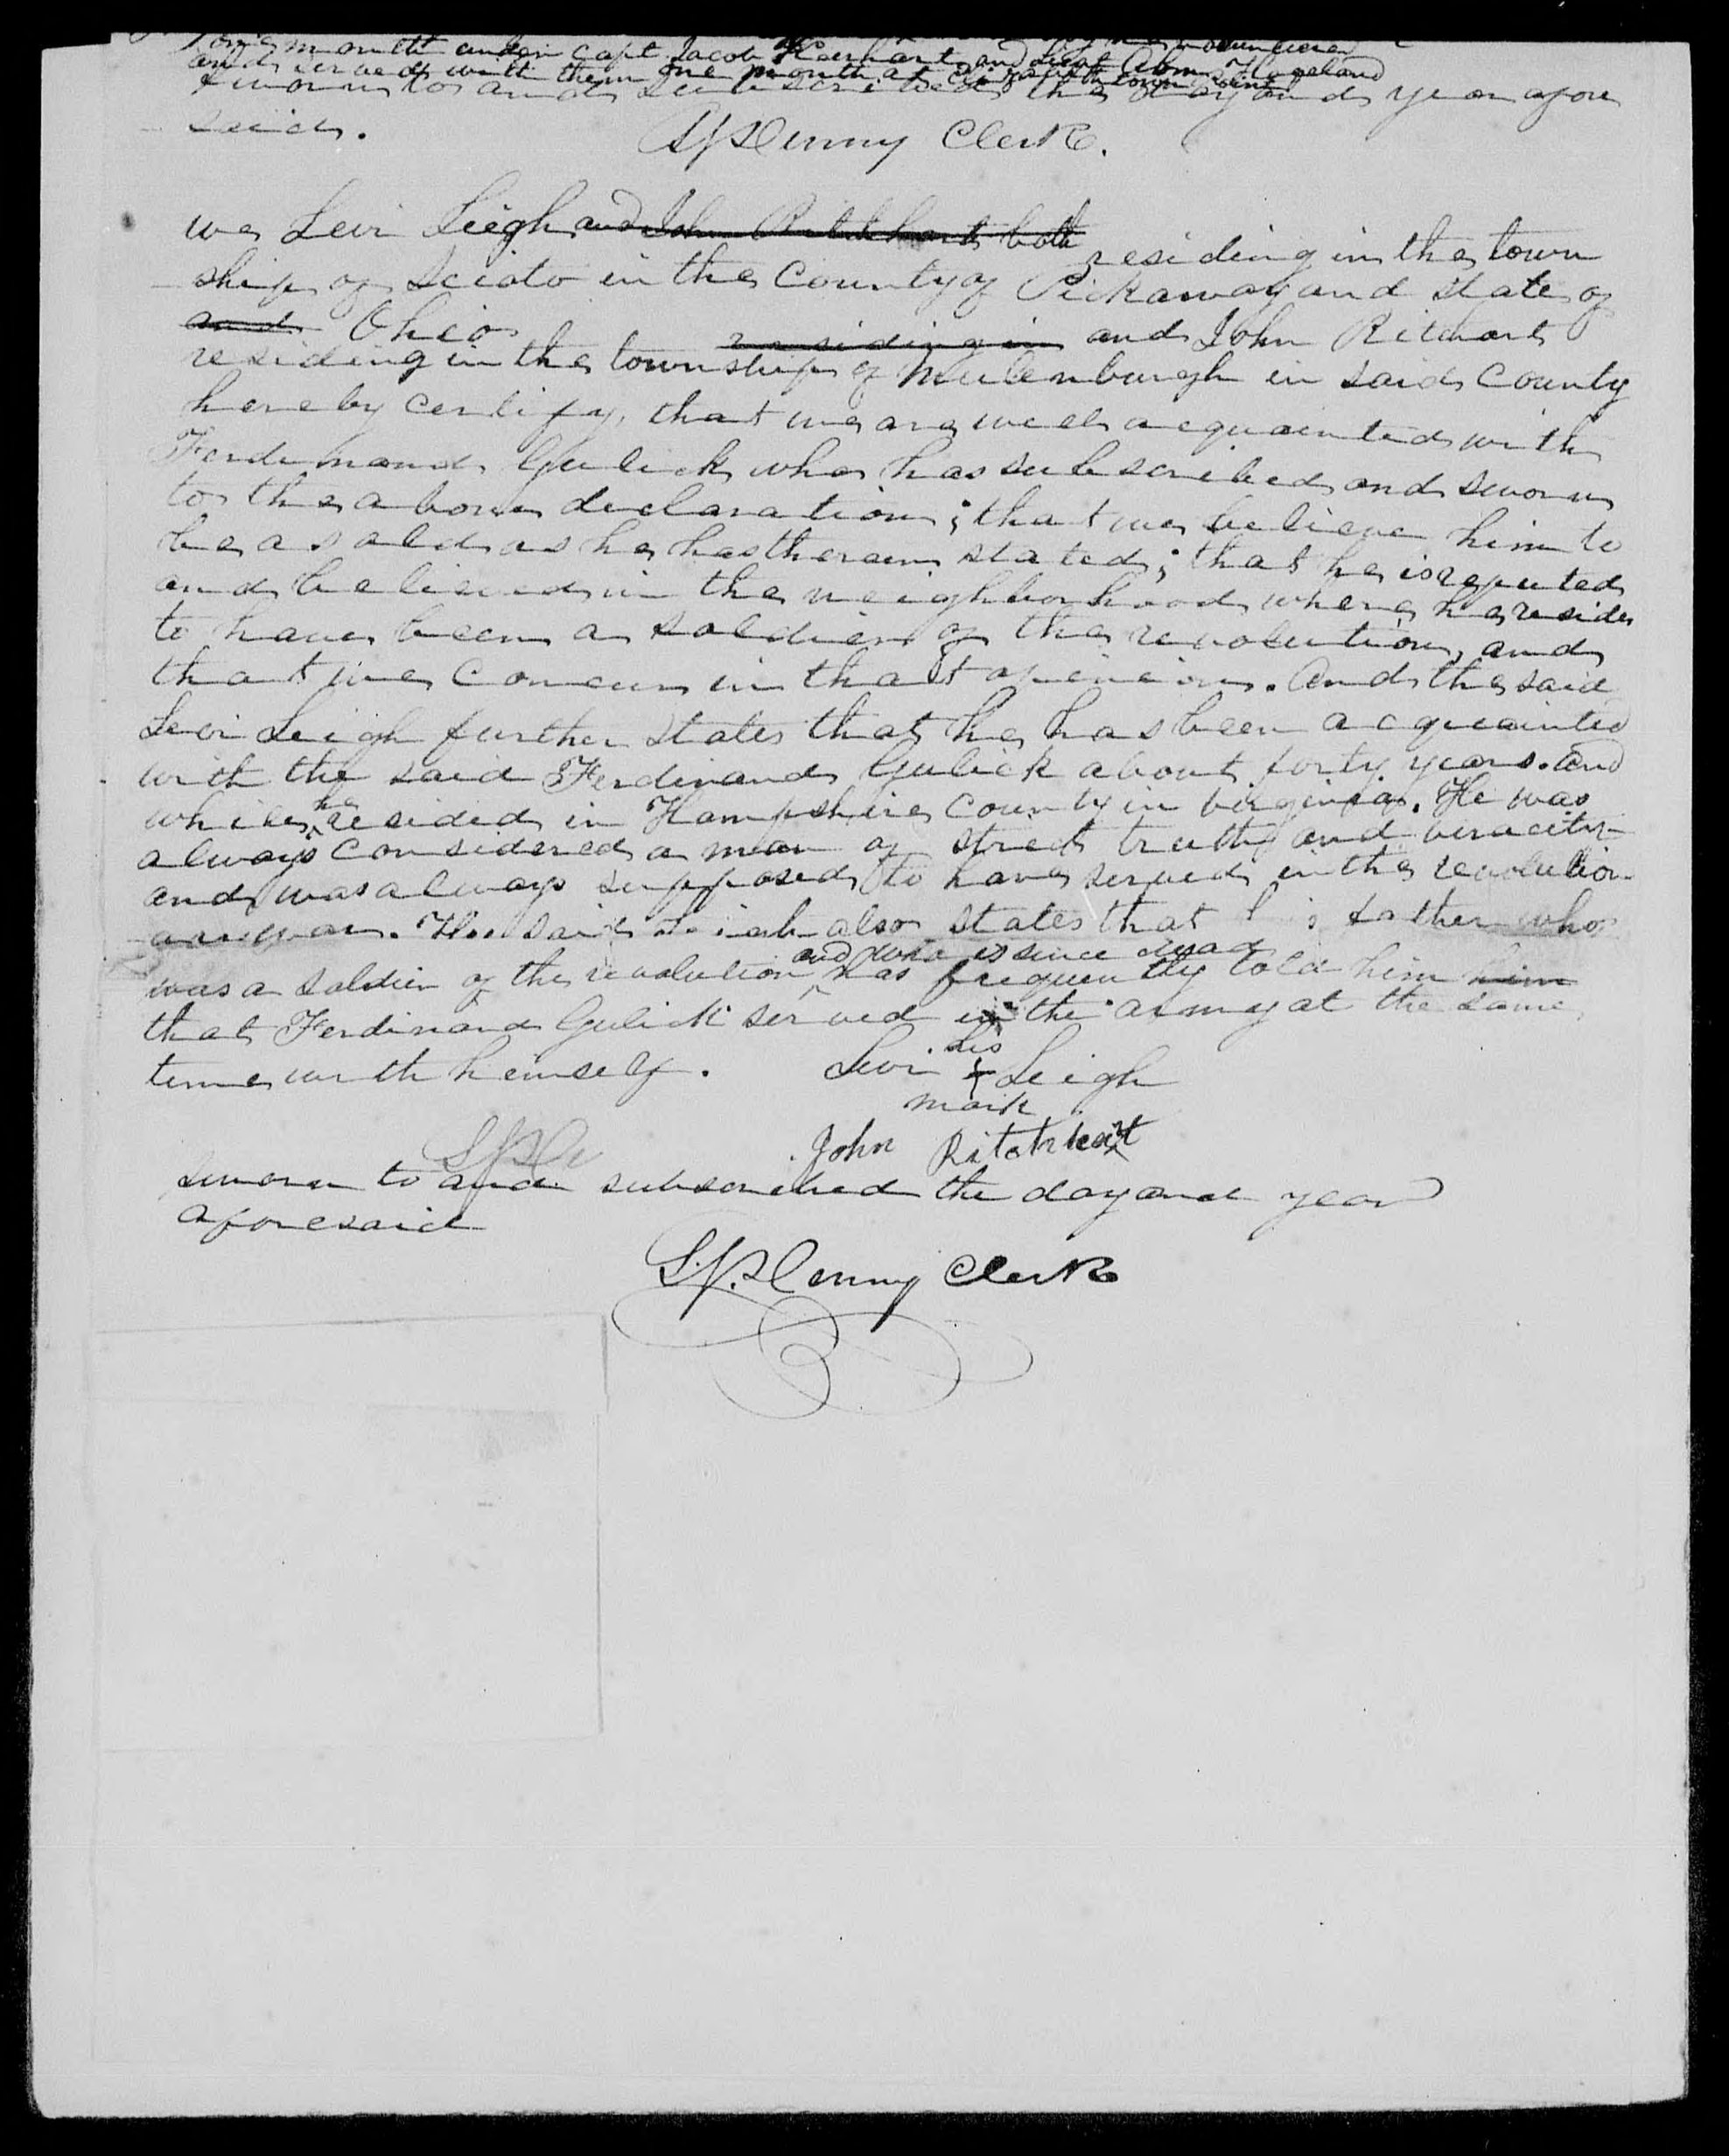one month under Capt Jacob Garhart and Lieut Abm Hageland and served with them one month at Elizabethtown Point.

Sworn to and subscribed on this day and year aforesaid.

(Signed)
SS Denny Clerk

We Levi Leigh residing in the township of Scioto in the County of Pickaway and State of Ohio and John Ritchart residing in the township of Muhlenberg in said County hereby certify that we are well acquainted with Ferdinand Gulick who has subscribed and sworn to the above declaration; that we believe him to be as old as he has therein stated; that he is reputed and believed in the neighborhood where he resides to have been a soldier of the Revolution, and that we concur in that opinion, and that said Levi Leigh further states that he has been acquainted with the said Ferdinand Gulick about forty years, and while he resided in Hampshire County in Virginia, he was always considered a man of (illegible) truth and veracity, and was always supposed to have served in the Revolutionary War. The said Leigh also states that his father who was a soldier of the Revolution and who is since dead was frequently told (by) him that Ferdinand Gulick served in the army at the same time with himself.

(Signed)
Levi his X mark Leigh

(Signed)
John Ritchhart

Sworn to and subscribed the day and year aforesaid.

(Signed)
SS Denny, Clerk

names: Ferdinand Gulick, John Ritchhart, Levi Leigh, Levi Leigh, S S Denny, Abm Hageland, John Ritchart, Ferdinand Gulick, Jacob Garhart, Levi Leigh, S S Denny, Ferdinand Gulick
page: 7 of 21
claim: survivor's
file: S. 2586, Ferdinand Gulick, New Jersey Va.